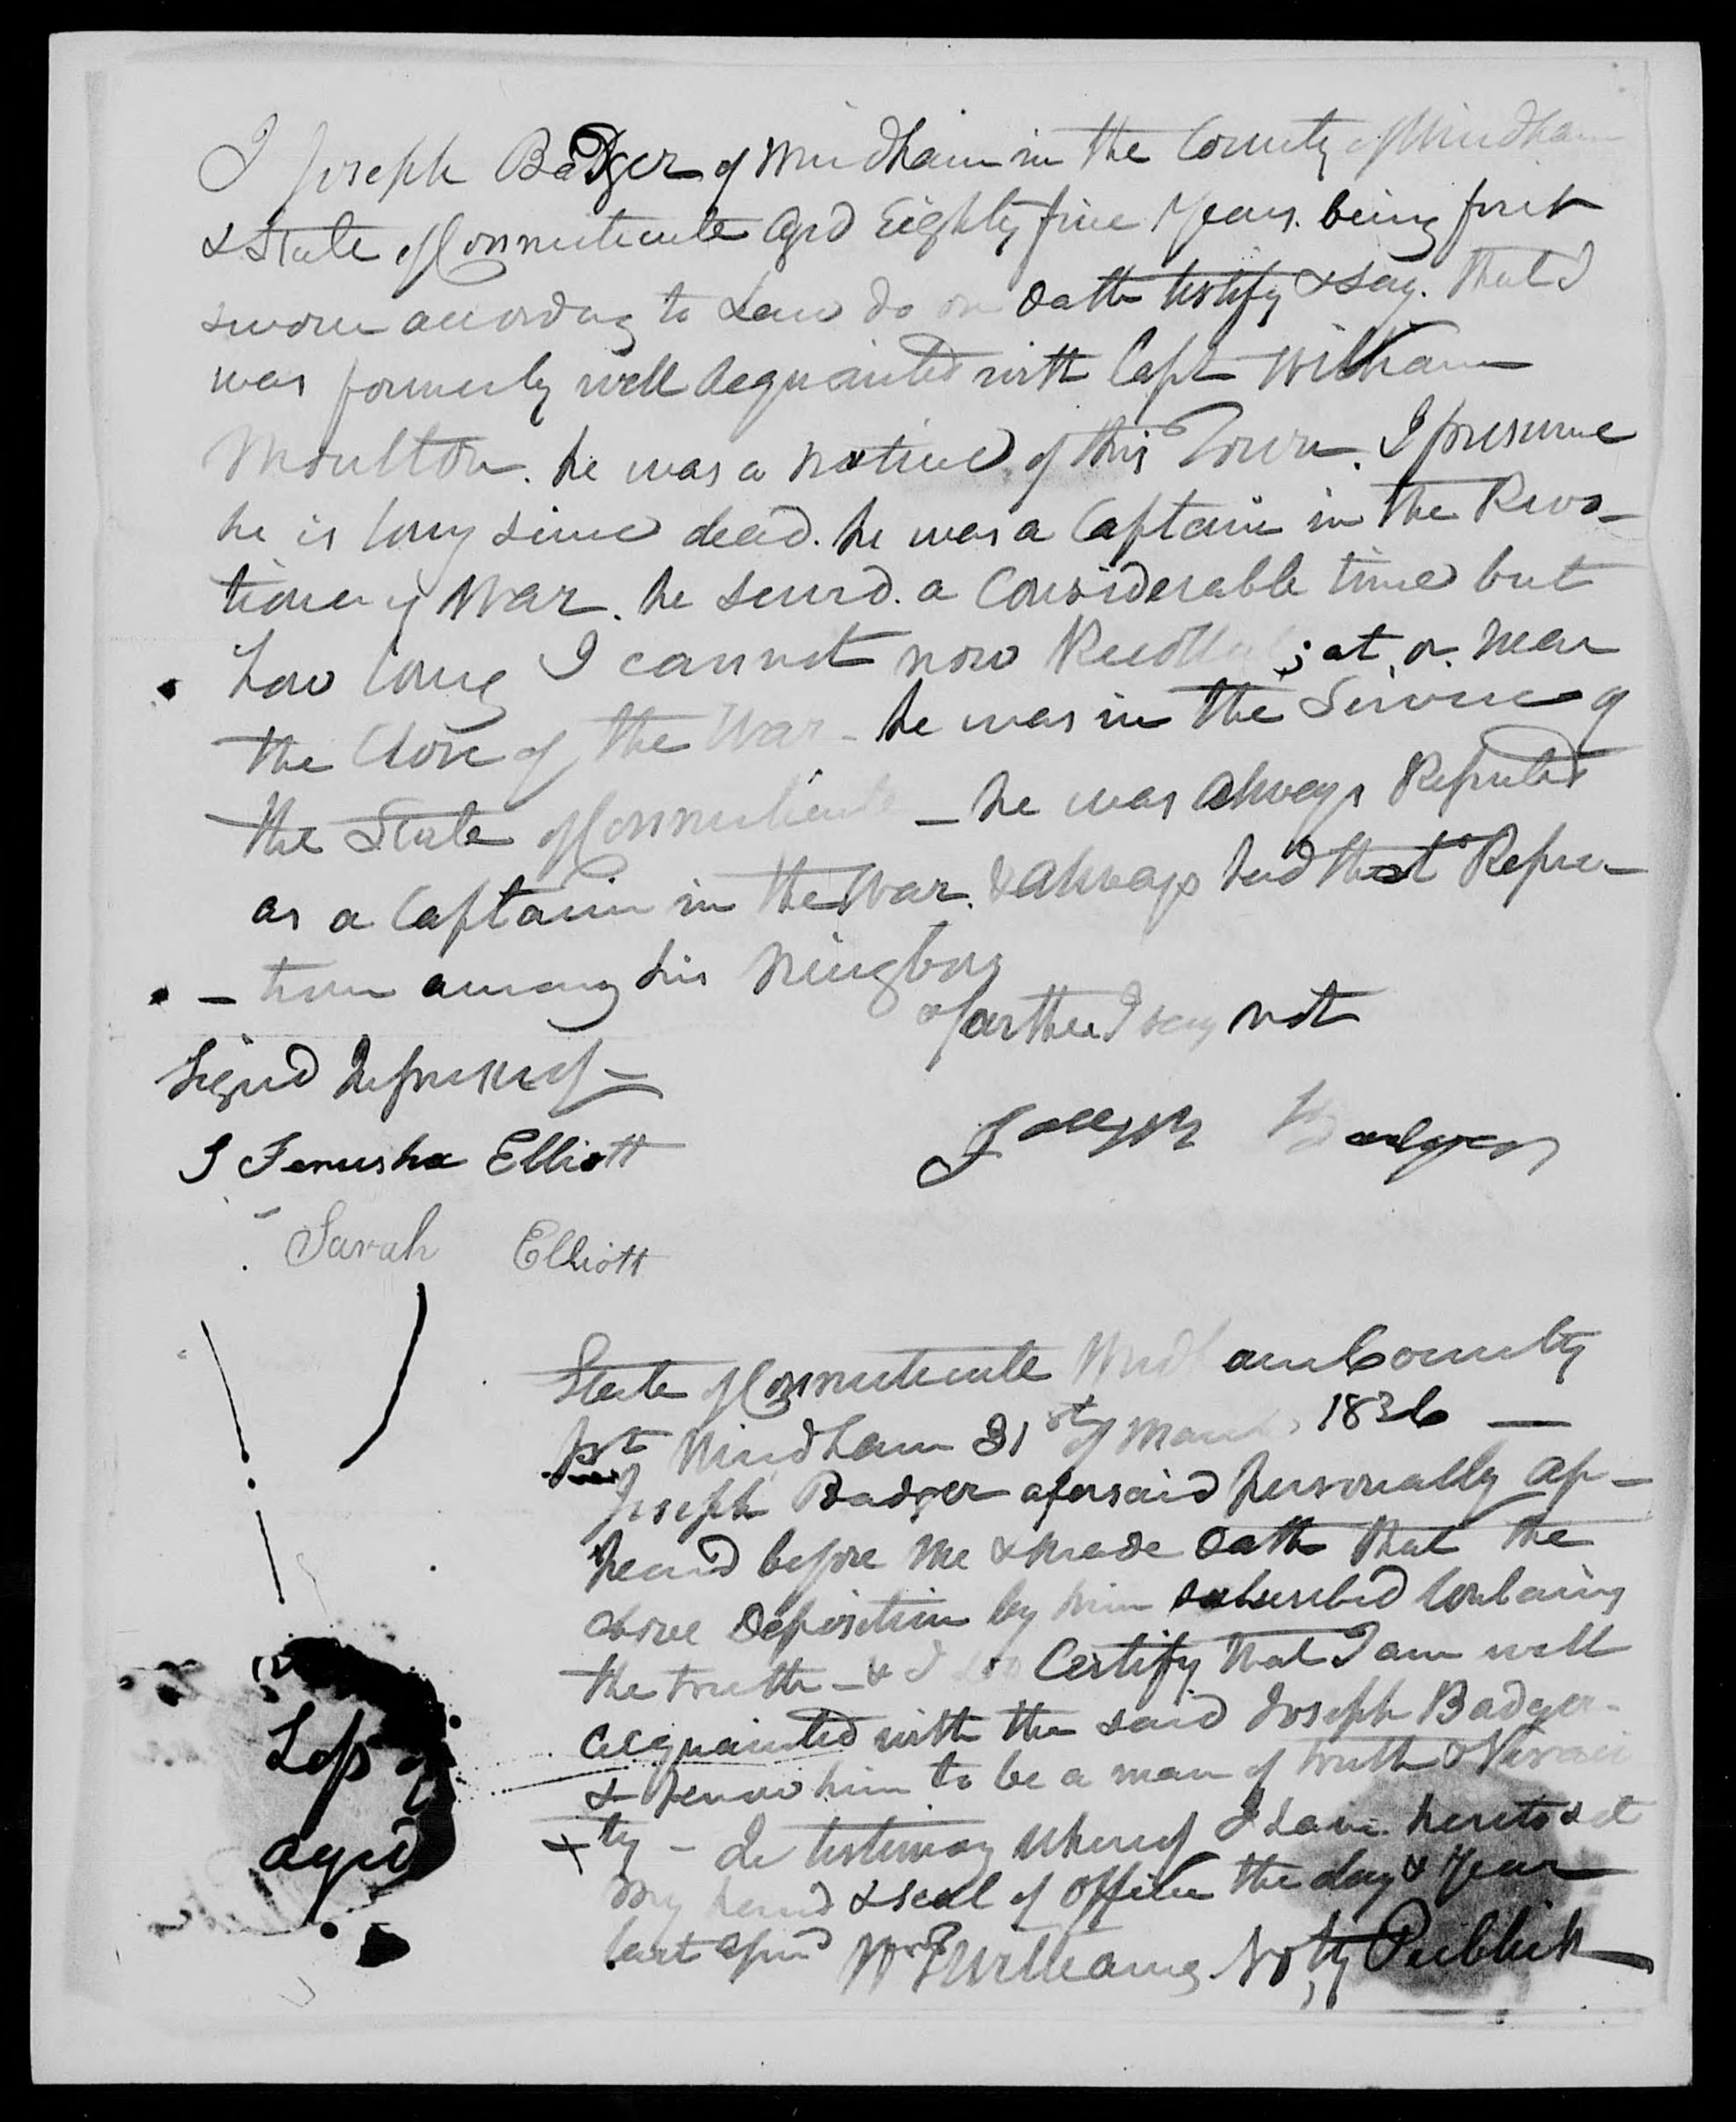I Joseph Badger of Windham in the County of Windham & State of Connecticut aged eighty five years being first sworn according to law do on oath testify & say that I was formerly well acquainted with Captain William Moulton. He was a native of this town. I presume he is long since dead. He was a captain in the Revolutionary War. He served a considerable time but how long I cannot now recollect; at or near the close of the war he was in the service of the state of Connecticut. He was always reputed as a captain in the war & always had that reputation among his neighbors. Further I say not. 
Joseph Badger

Signed in presence of
J. Jerusha Elliott
Sarah Elliott

State of Connecticut Windham County
1st Windham 31st of March 1836
Joseph Badger aforesaid personally appeared before me & made oath that the above deposition by him subscribed contains the truth & I do certify that I am well acquainted with the said Joseph Badger & know him to be a man of truth & veracity. In testimony whereof I have hereto set my hand & sea of office the day & year last aforesaid.

Wm. Williams, Notary Public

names: Sarah Elliott, J Jerusha Elliott, William Moulton, Joseph Badger, Joseph Badger, Joseph Badger, Wm T Williams, Joseph Badger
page: 45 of 50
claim: survivor's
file: S 10607, Jabez Edwards, Conn.